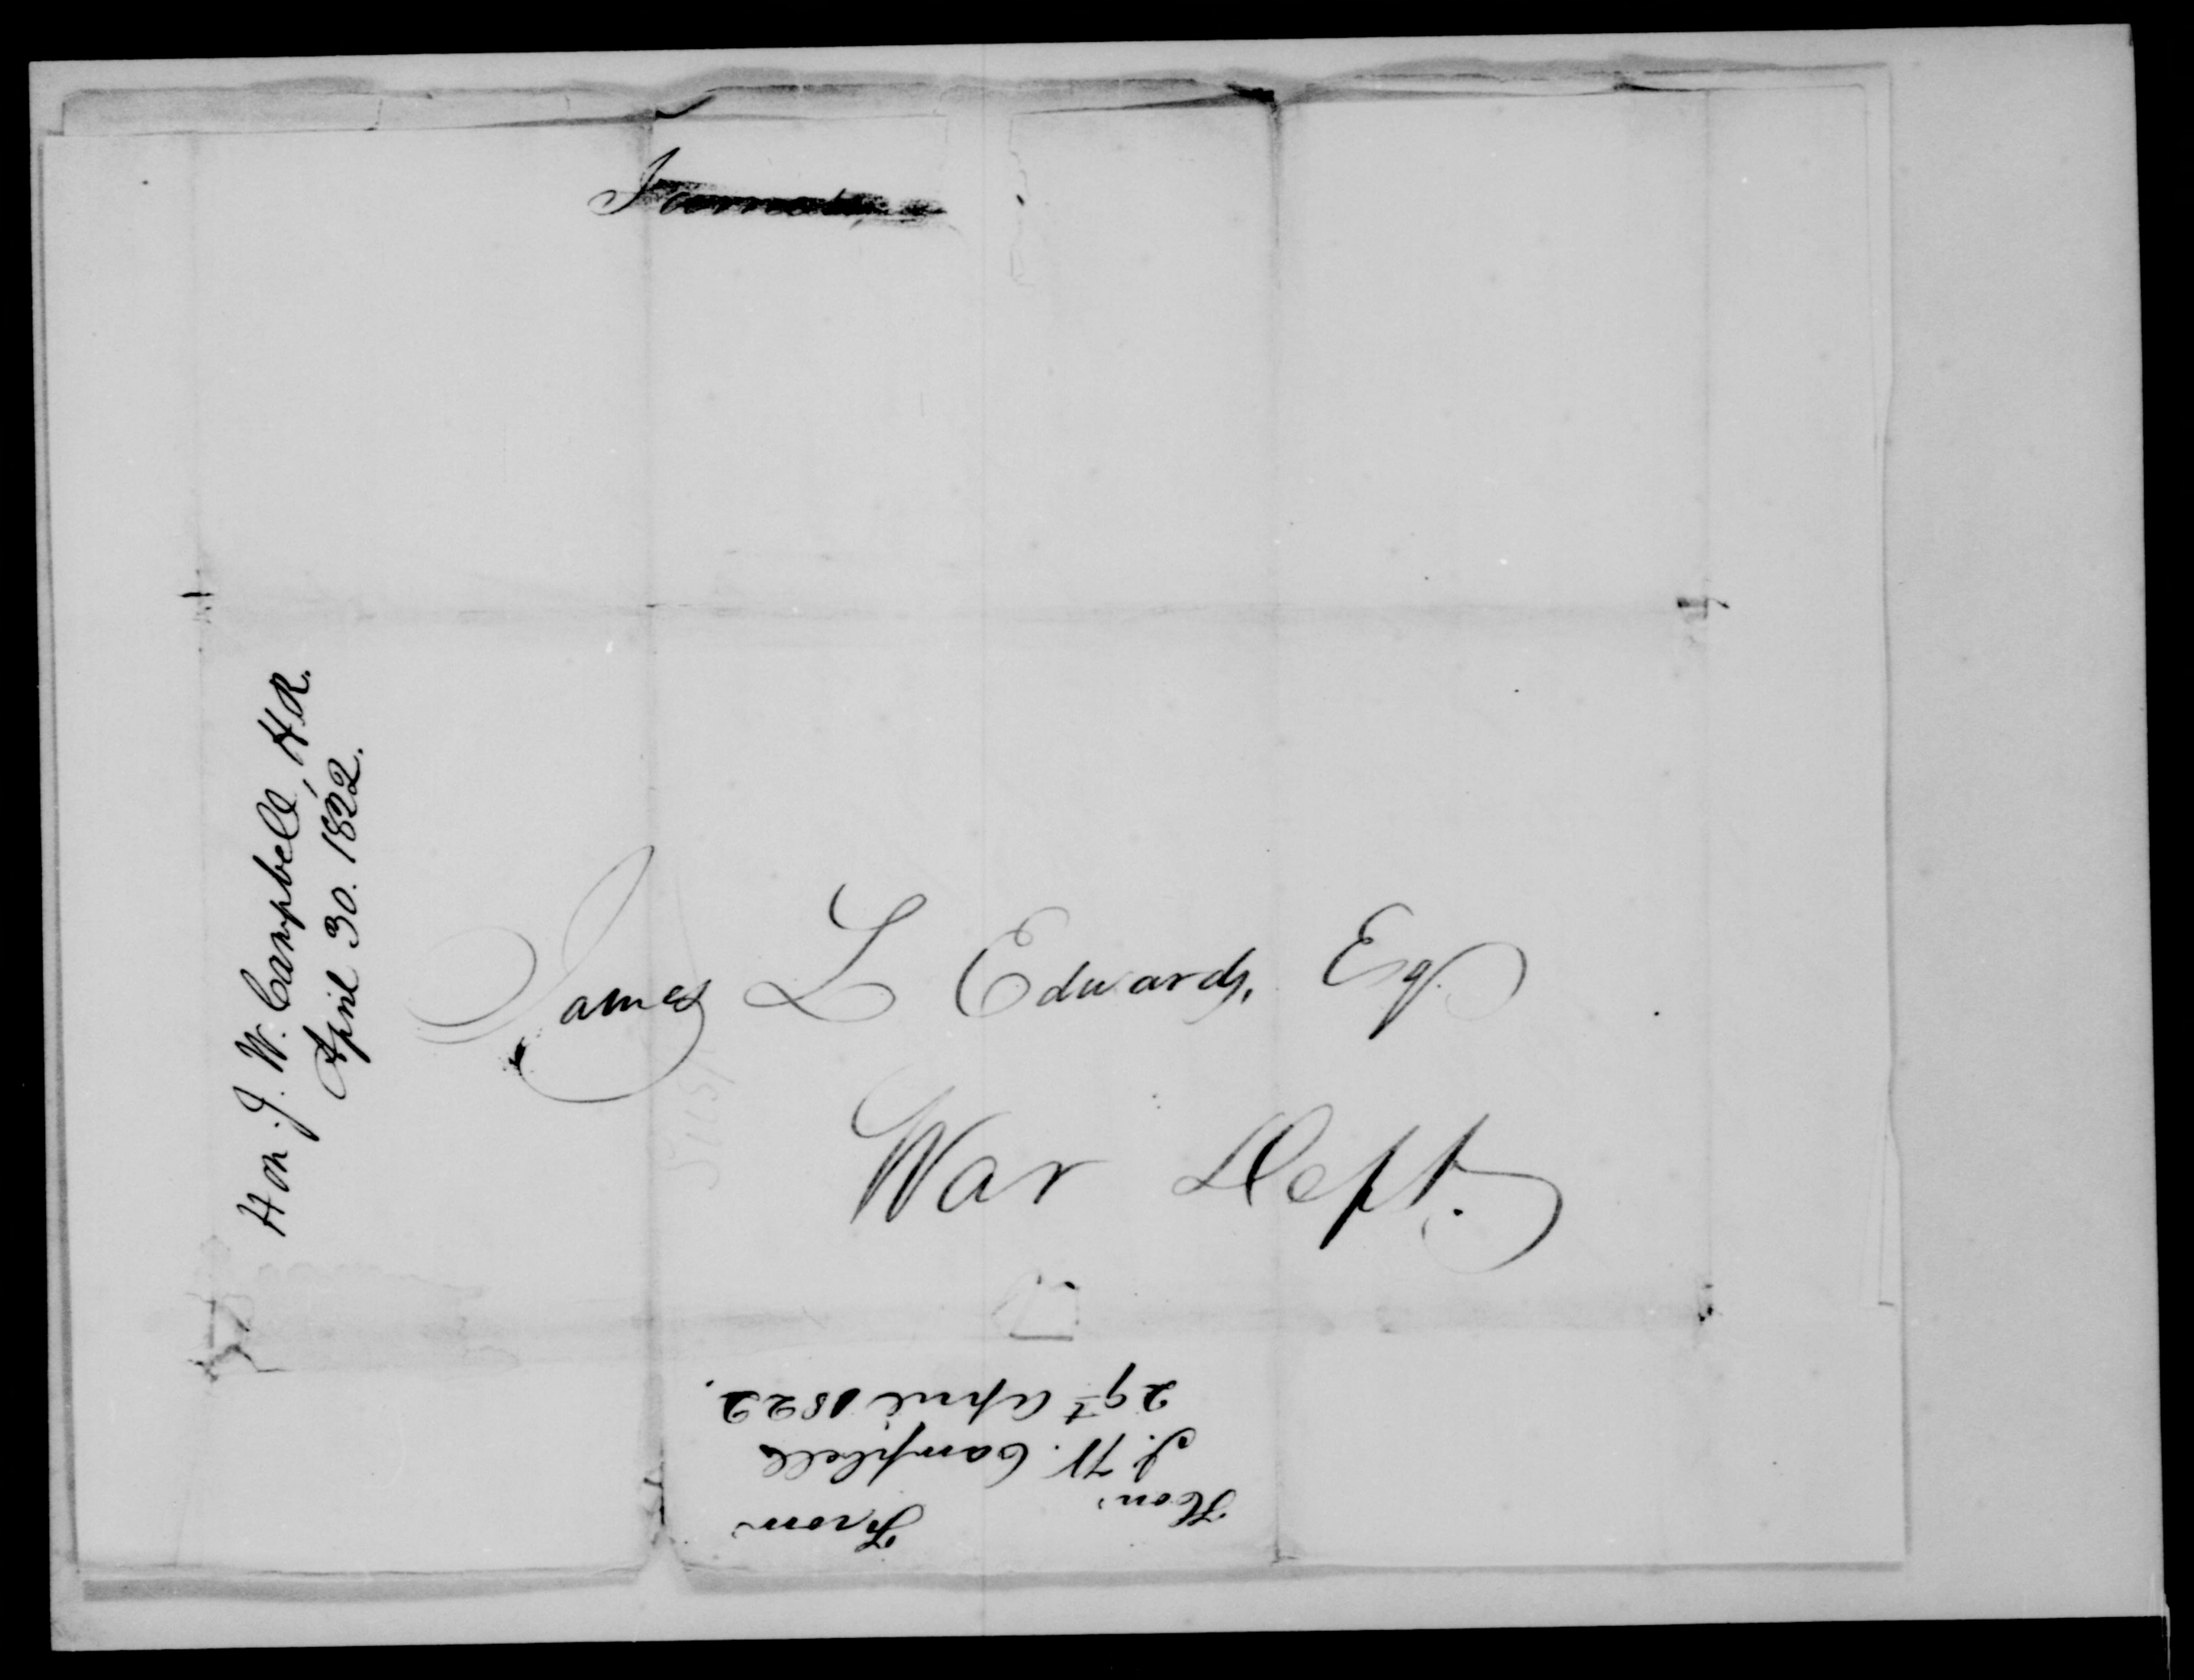James L Edwards, Esqr. War Dept. 
From Hon. J. W. Campbell29th April 1822. 
Hon. J. W. Campbell April 30. 1822.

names: J W Campbell; James L Edwards; J W Campbell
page: 21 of 66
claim: survivor's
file: S 40458, for Obadiah Smith, New York